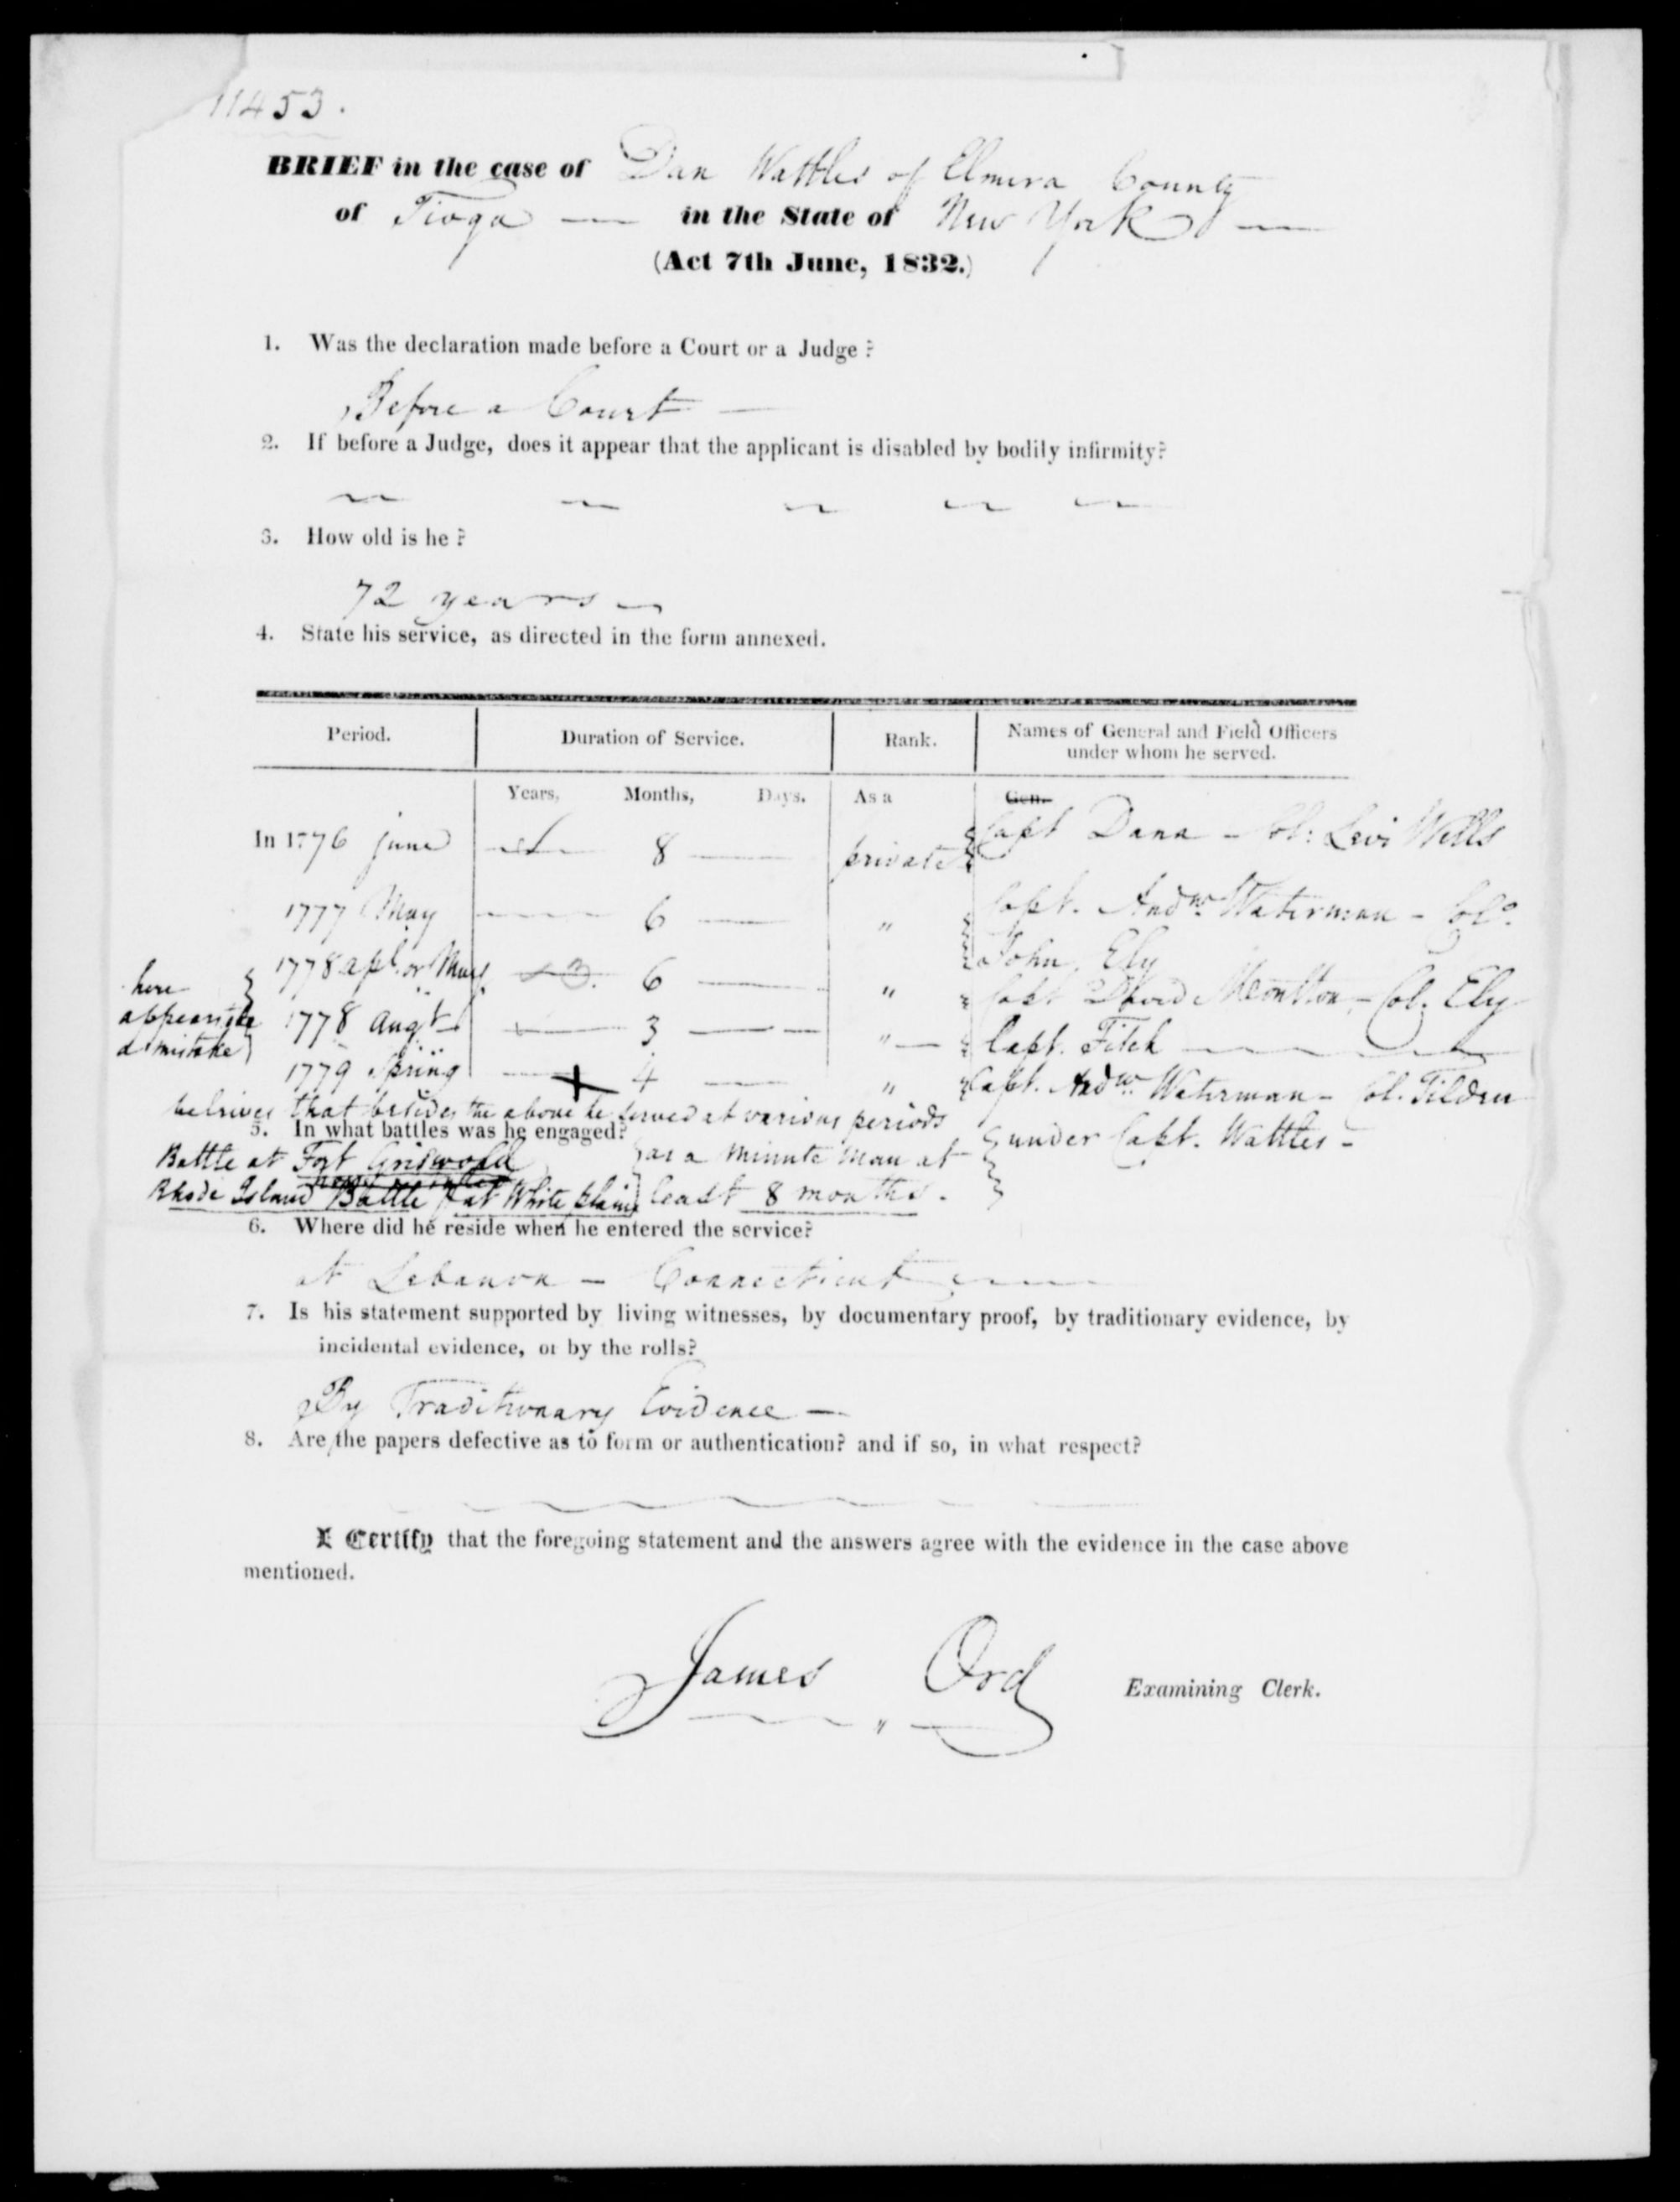11453.
BRIEF in the case of Dan Wattles of Elmira County
of Tioga in the State of New York
(Act 7th June, 1832.)
1. Was the declaration made before a Court or a Judge: Before a Court-
2. If before a Judge, does it appear that the applicant is disabled by bodily infirmity?
3. How old is he? 72 years-
4. State his service, as directed in the form annexed.
Period. | Duration of Service. Years,
Months,| Days. | Rank. As a | Names of General and Field Officers under whom he served.
In 1776 June | 1 8 _ | private | Capt Dana Col Levi Wells
1777 May | _ 6 _ | " | Capt Andw Waterman - Colo John Ely
here [illegible] mistake } 1778 Apl or May | 3 6 _ | " | Capt David Moulton - Col. Ely
1778 Augt ┃_ 3 _ | " | Capt. Fitch 
1779 Spring┃_ 4 _ | " | Capt Andw Waterman- Col. Tilden
believes that beside the above he served at various periods
5. In what battles was he engaged?
Battle at Fort Griswold } a minute man at } under Capt. Wattles
Rhode Island Battle & at White plains } least 8 months }
6. Where did he reside when he entered the service?
at Lebanon - Connecticut-
7. Is his statement supported by living witnesses, by documentary proof, by traditionary evidence, by incidental evidence, or by the rolls?
By Traditionary evidence-
8. Are the papers defective as to form or authentication? and if so, in what respect?
I certify that the foregoing statement and the answers agree with the evidence in the case above mentioned
James Ord Examining Clerk.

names: James Ord, Dan Wattles, Tilden, Levi Wells, Fitch, John Ely, Andw Waterman, David Moulton, Dana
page: 5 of 70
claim: widow's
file: W. 3743, Dan Wattles, Conn.